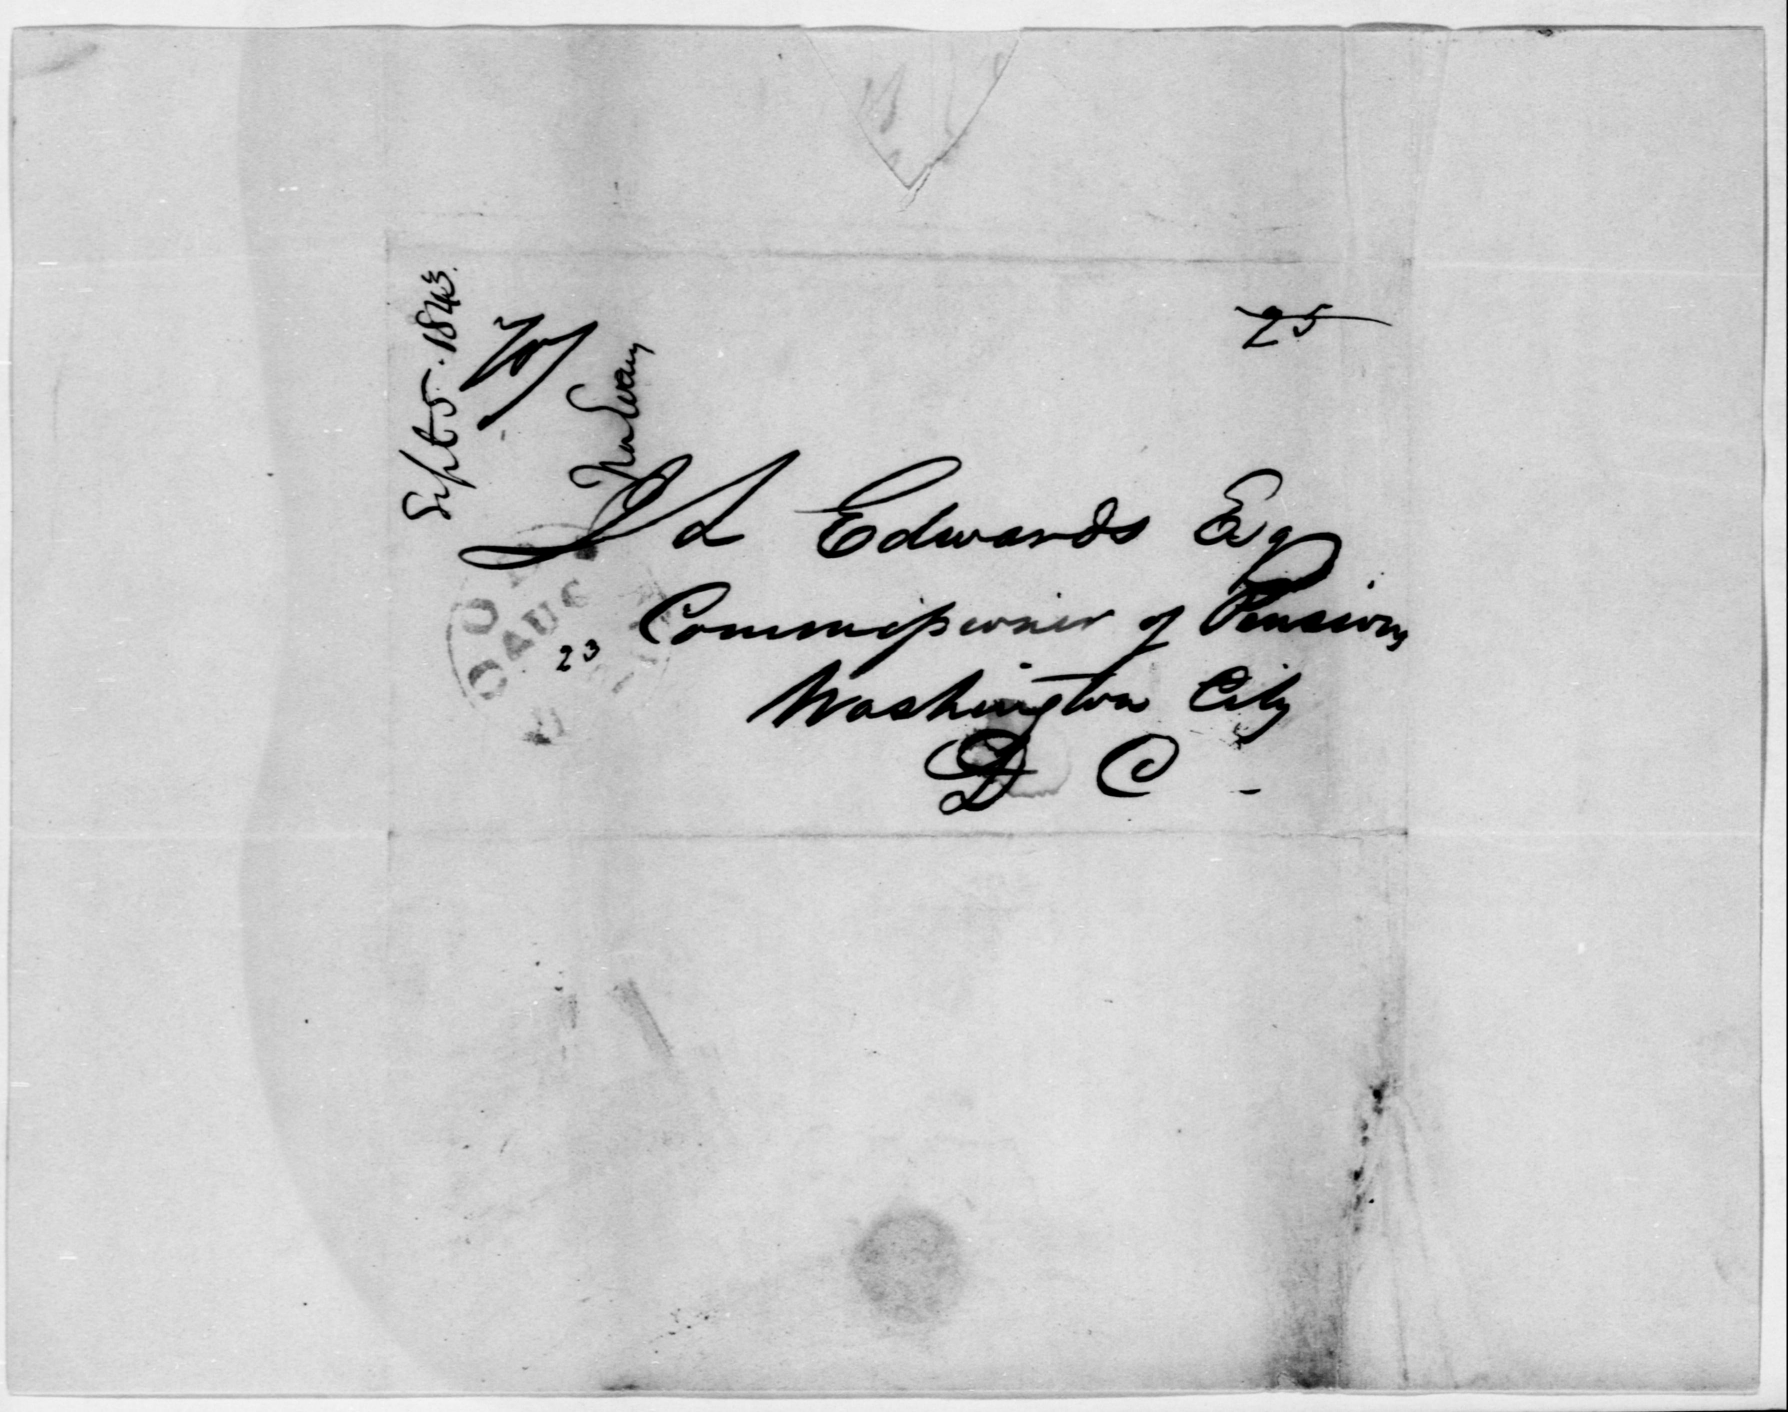J L Edwards Esq
Commissioner of Pensions
Washington City
DC

Sept 5 1843
[illegible]
[illegible stamp] AUG 23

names: J L Edwards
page: 35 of 38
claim: survivor's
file: S. 30. 239, William Abbott, S.C.